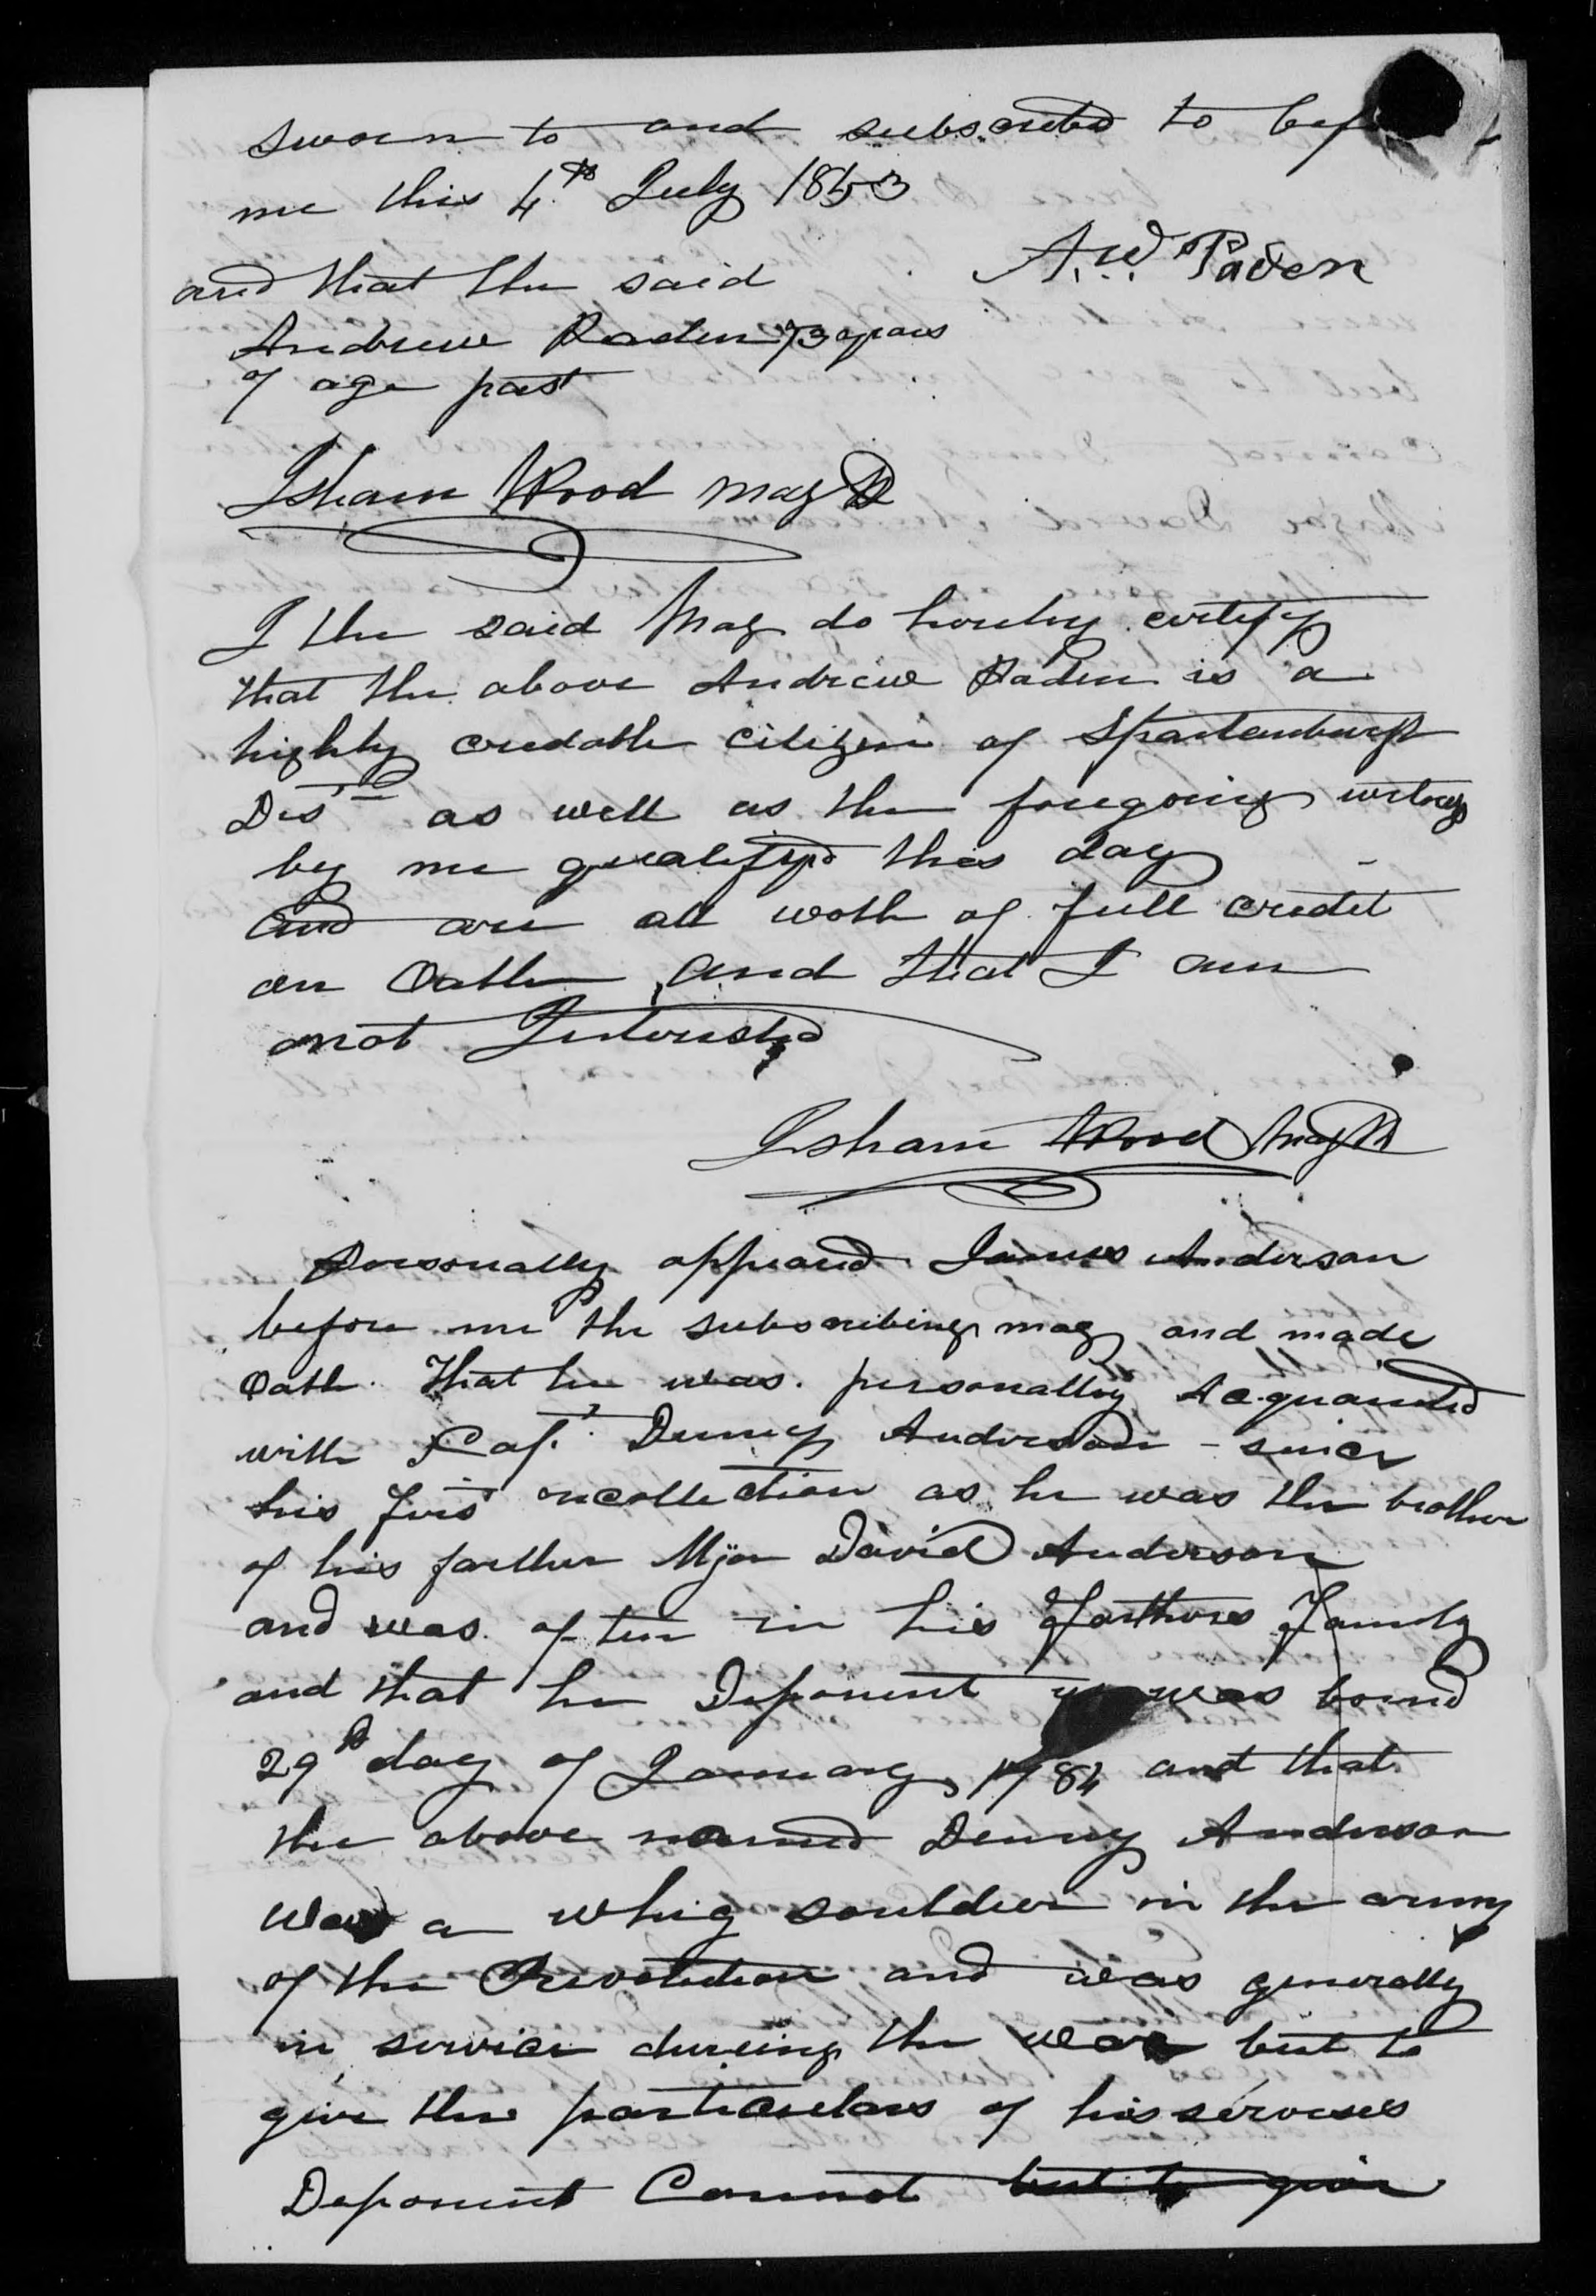Sworn to and subscribed to before me this 4th July 1853
A. W. Paden
and that the said Andrew Paden 73 years of age past
Isham Wood Mag SD

I the said Mag do hereby certify that the above Andrew Paden is a highly credable citizen of Spartanburgh Dist as well as the foregoing witness by me qualifyd. this day and are all worth of full credit on oath and that I am not interested
Isham Wood Mag SD

Personally appeared James Anderson before me the subscribing mag and made oath. That he was personally acquainted with Capt. Denney Anderson since his first recollection as he was the brother of his father Mr David Anderson and was often in his fathers family and that he Deponent was borned 29th day of January 1784 and that the above named Denny Anderson was a whig soldier in the army of the Revolution and was generally in service during the war but to give the particulars of his services Deponent cannot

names: Denny Anderson, Andrew Paden, David Anderson, Isham Wood, Denny Anderson, A W Paden, Isham Wood, Andrew Paden, James Anderson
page: 9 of 51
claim: widow's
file: W. 9700, Denney Anderson, S.C.